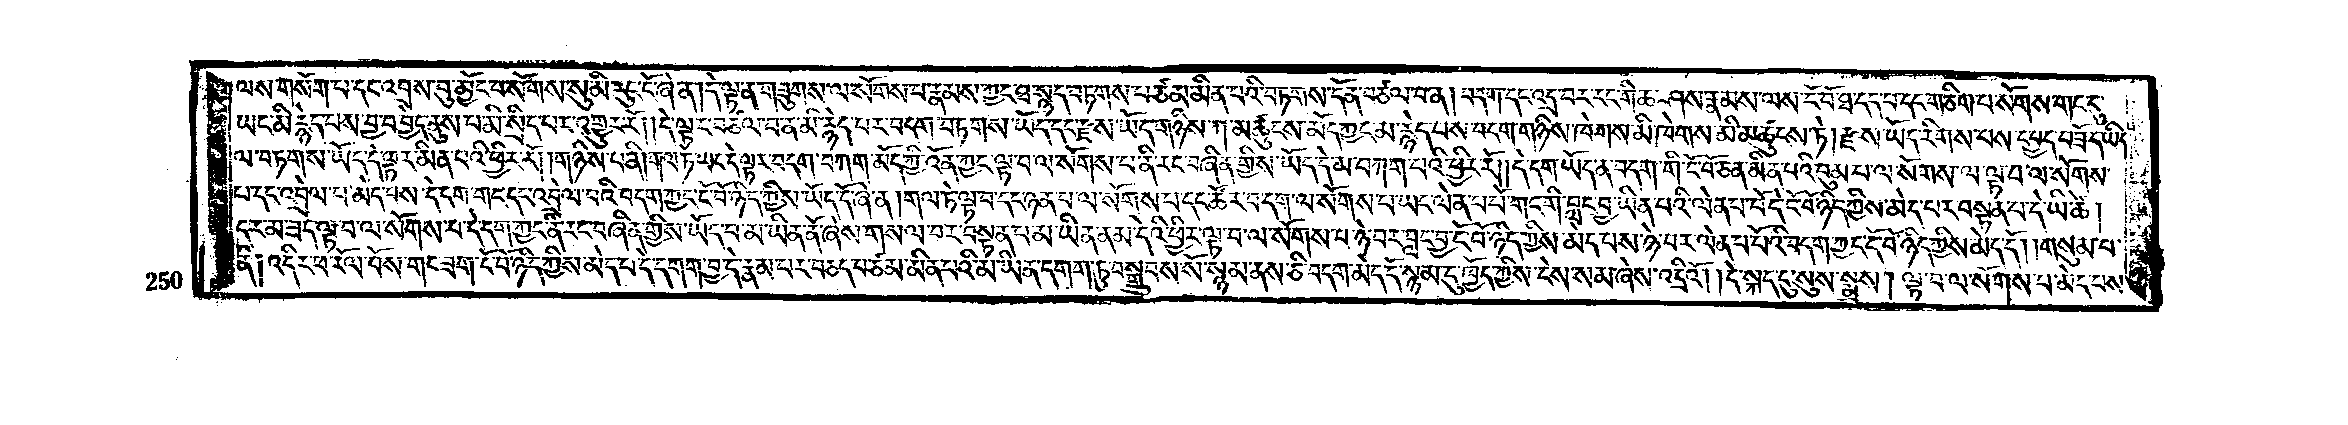ལས་གསོག་པ་དང་འབྲས་བུ་མྱོང་བ་སོགས་སུ་མི་རུང་ངོ་ཞེ་ན། དེ་ལྟ་ན་གཟུགས་ལ་སོགས་པ་རྣམས་ཀྱང་ཐ་སྙད་བཏགས་པ་ཙམ་མིན་པའི་བཏགས་དོན་བཙལ་བ་ན། བདག་དང་འདྲ་བར་རང་གི་ཆ་ཤས་རྣམས་ལས་ངོ་བོ་ཐ་དད་པ་དང་གཅིག་པ་སོགས་གང་དུ་
ཡང་མི་རྙེད་པས་བྱ་བ་བྱེད་ནུས་པ་མི་སྲིད་པར་འགྱུར་རོ། །དེ་ལྟར་བཙལ་བ་ན་མི་རྙེད་པར་དག་བཏགས་ཡོད་དང་རྫས་ཡོད་གཉིས་ཀ་མཚུངས་མོད་ཀྱང་མ་རྙེད་པས་བདག་གཉིས་ཁེགས་མི་ཁེགས་མི་མཚུངས་ཏེ། རྫས་ཡོད་རིགས་པས་དཔྱད་བཟོད་ཡི་
ལ་བཏགས་ཡོད་དེ་ལྟར་མིན་པའི་ཕྱིར་རོ། །གཉིས་པ་ནི། གལ་ཏེ་ཡང་དེ་ལྟར་བདག་བཀག་མོད་ཀྱི་འོན་ཀྱང་ལྟ་བ་ལ་སོགས་པ་ནི་རང་བཞིན་གྱིས་ཡོད་དེ་མ་བཀག་པའི་ཕྱིར་རོ། །དེ་དག་ཡོད་ན་བདག་གི་ངོ་བོ་ཅན་མིན་པའི་བུམ་པ་ལ་སོགས་ལ་ལྟ་བ་ལ་སོགས་
པ་དང་འབྲེལ་པ་མེད་པས་དེ་དག་གང་དང་འབྲེལ་བའི་བདག་ཀྱང་ངོ་བོ་ཉིད་ཀྱིས་ཡོད་དོ་ཞེ་ན། གལ་ཏེ་ལྟ་བ་དང་ཉན་པ་ལ་སོགས་པ་དང་ཚོར་བ་དག་ལ་སོགས་པ་ཡང་ལེན་པ་པོ་གང་གི་བླང་བྱ་ཡིན་པའི་ལེན་པ་པོ་དེ་ངོ་བོ་ཉིད་ཀྱིས་མེད་པར་བསྟན་པ་དེ་ཡི་ཚེ།
དར་མ་ཟད་ལྟ་བ་ལ་སོགས་པ་དེ་དག་ཀྱང་ནི་རང་བཞིན་གྱིས་ཡོད་པ་མ་ཡིན་ནོ་ཞེས་གསལ་བར་བསྟན་པ་མ་ཡིན་ནམ་དེའི་ཕྱིར་ལྟ་བ་ལ་སོགས་པ་ཉེ་བར་བླང་བྱ་ངོ་བོ་ཉིད་ཀྱིས་མེད་པས་ཉེ་བར་ལེན་པ་པོའི་བདག་ཀྱང་དོ་བོ་ཉིད་ཀྱིས་མེད་དོ། །གསུམ་པ་
ནི། འདིར་ཕ་རོལ་པོས་གང་ཟག་ངོ་བོ་ཉིད་ཀྱིས་མེད་པ་དེ་དགག་བྱ་དེ་རྣམ་པར་བཅད་པ་ཙམ་མིན་པའི་མ་ཡིན་དགག་ཏུ་བསྒྲུབས་སོ་སྙམ་ནས་ཅི་བདག་མེད་དོ་སྙམ་དུ་ཁྱོད་ཀྱིས་ངེས་སམ་ཞེས་འདྲིའོ། །དེ་སྐད་དུ་སུས་སྨྲས། ལྟ་བ་ལ་སོགས་པ་མེད་པ་